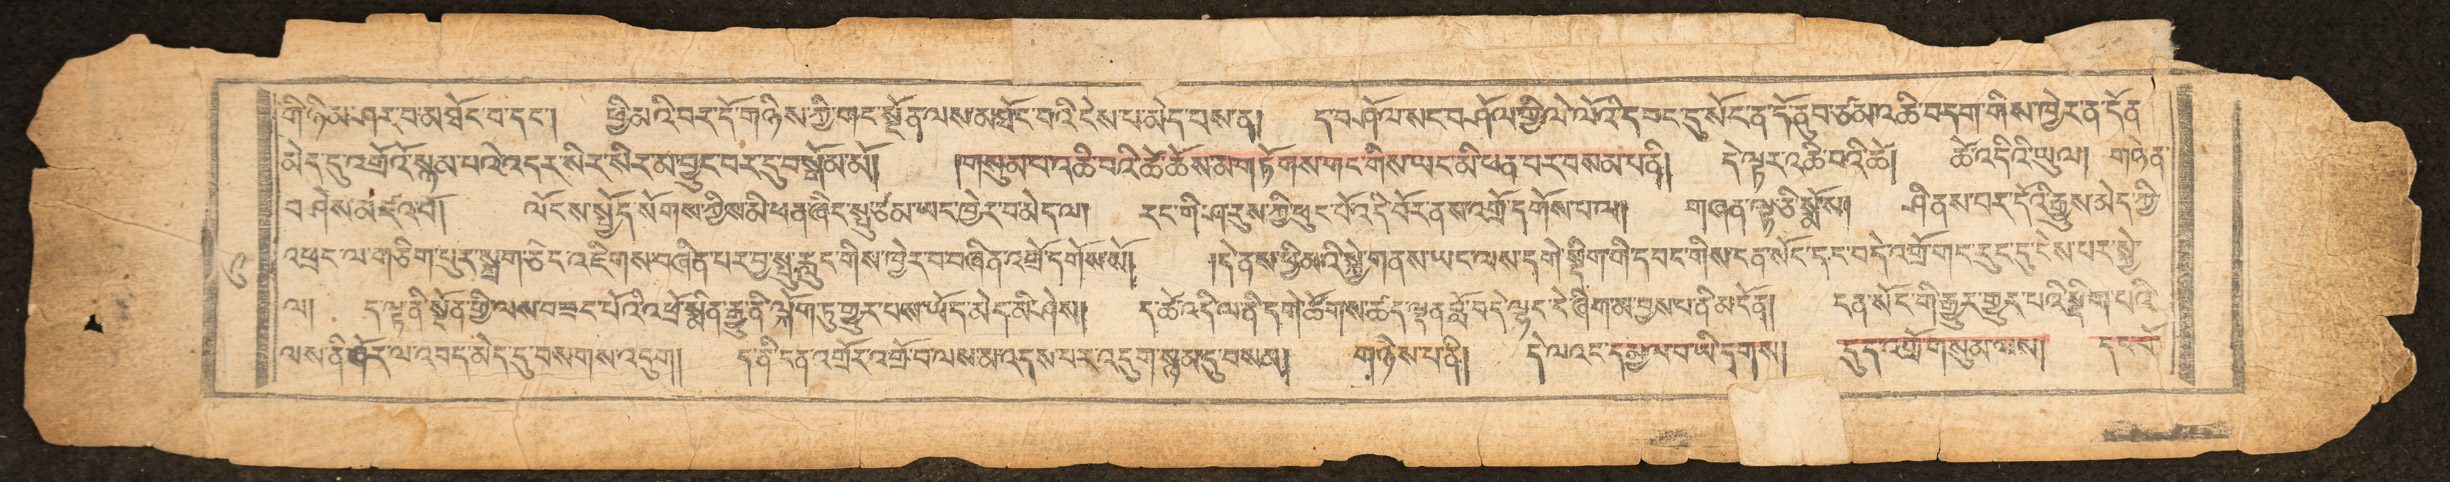གི་ཉི་མ་ཤར་བ་མཐོང་བ་དང་། ཕྱི་མའི་བར་དོ་གཉིས་གྱི་གང་སྔོན་པས་མཐོང་བའི་ངེས་པ་མེད་པས་ན། དལ?་?་གྱི་ལེ་ལོའི་དབང་དུ་སོ་ཕན?་དོ་ནུབ་ཙམ་འཆི་བདག་གིས་ཁྱེར་ན་དོན་
མེད་དུ་འགྲོའོ་སྙམ་པའི་འདར་སིར་སིར་མ་བྱུང་བར་དུ་བསྒོམ་མོ། །གསུམ་པ་འཆི་བའི་ཚེ་ཆོས་མ་གཏོགས་གང་གིས་ཡང་མི་ཕན?་པར་བསམ་པ་ནི། དེ་ལྟར་འཆི་བའི་ཚེ། ཚེ་འདིའི་ཡུལ། གཉེན་
བཤེས་མཛའ་བོ། ལོངས་སྤྱོད་སོགས་ཀྱི་བྱ?་སྦུ?་ཞིང་སྤུ་ཙམ་ཡང་ཁྱེར་བ?་མེད་པ?། རང་གིས?་རུས་ཀྱི་ཕུང་པོ་འདི་བོར་ནས་འགྲོ་དགོས་པ་ལ། གསན་ལྟ་ཅི་སྨོས། ཤི་ནས་བར་དོའི་རྒྱུས་མེད་ཀྱི་
འཕྲང?་ལ་གཅིག་པུར་སྒྲག?་ཅིང་འཇིགས་བཞིན་པར་?་རླུང་གིས་ཁྱེར་བ་བཞིན་འགྲོ་དགོས་སོ། །དེ་ནས་ཕྱི་མའི་སྐྱེ་གནས་?་?་དགེ་སྡིག་གི་དབང་གིས་ཕན་སོང་དང་བདེ་འགྲོ་གང་རུང་དུ་ངེས་བར་སྐྱེ་
ལ། ད་ལྟ་ནི་སྔོན་གྱི་ལས་བཟང་པོའི་འཕྲོ་སྨིན་རྒྱུ་ནི་ལྐོག་ཏུ་གྱུར་པས་ཡོད་མེད་མི་ཤེས། ད་ཚེ་འདི་ལ་ནི་དགེ་ཚོགས་ཚད་ལྡན་བློ་བདེ་ལྷང་དེ་ཞིག་མ་བྱས་པ་ནི་མདོ་ན། ངན་སོང་གི་རྒྱུར་གྱུར་པའི་སྡིག་པའི?
ལས་ནི་?་ལ་འབས?་མེད་དུ་བསགས་འབུག། ད་ནི་ངན་འགྲོར་འགྲོ་བ་ལས་མ་འདས་པར་འདུག་སྙམ་དུ་བསམ། གཉིས་པ་ནི། དེ་ལའང་དམྱལ་བ་ཡི་དྭགས། དུད་བཀློ?་གསུམ་ལས། དང་པོ་